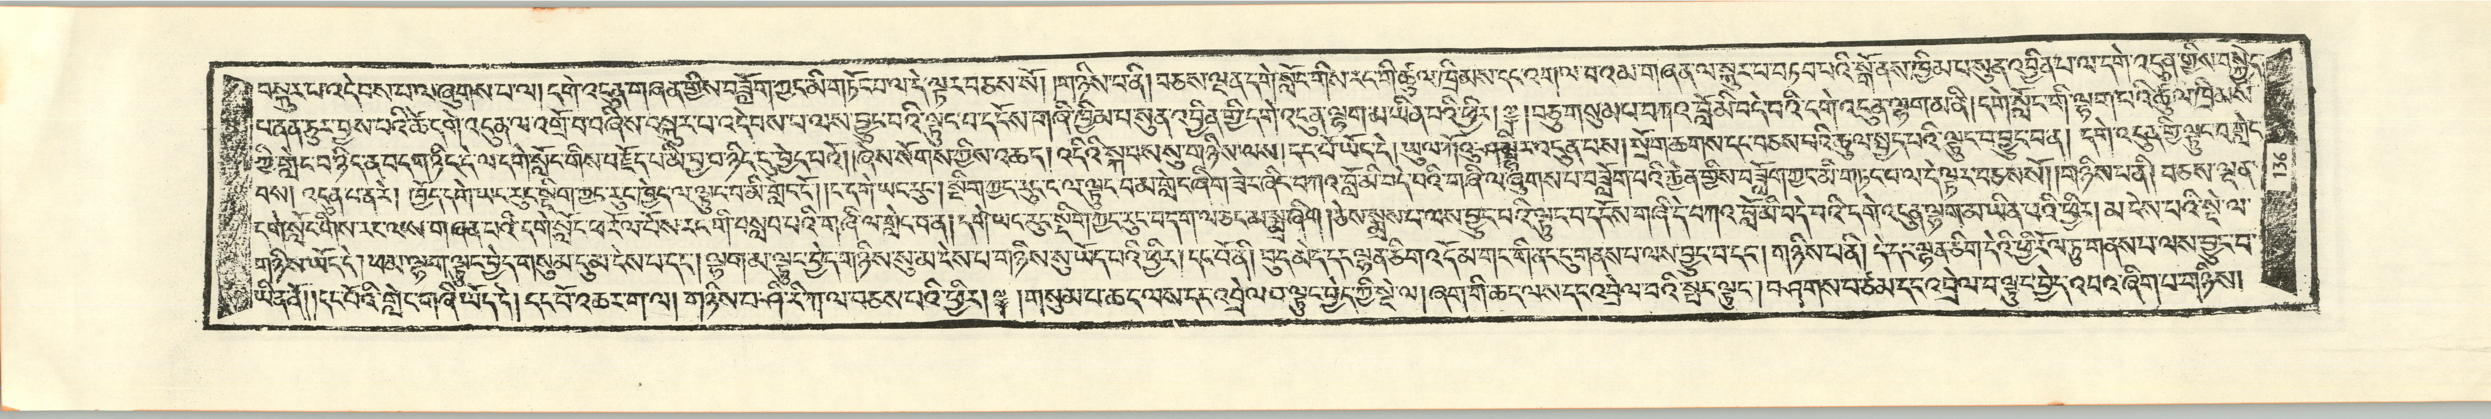བསྐུར་པ་འདེབས་པ་ལ་ཞུགས་པ་ལ། དགེ་འདུན་གཞན་གྱིས་བཟློག་ཀྱང་མི་གཏོང་བ་ལ་དེ་ལྟར་བཅས་སོ། །གཉིས་པ་ནི། བཅས་ལྡན་དགེ་སློང་གིས་རང་གི་ཚུལ་ཁྲིམས་དང་འགལ་བ་འམ་གཞན་ལ་སྐུར་པ་བཏབ་པའི་སྒོ་ནས་ཁྱིམ་པ་སུན་འབྱིན་པ་ལ་དགེ་འདུན་གྱིས་བསྐྱེད་
པ་ནན་ཅུར་བྱས་པའི་ཚེ་དགེ་འདུན་ལ་འགྲོ་བ་བཞིས་བསྐུར་པ་འདེབས་པ་ལས་བྱུང་བའི་ལྟུང་བ་དངོས་གཞི་ཁྱིམ་པ་སུན་འབྱིན་གྱི་དགེ་འདུན་ལྷག་མ་ཡིན་པའི་ཕྱིར། ༈ །བཅུ་གསུམ་པ་བཀའ་བློ་མི་བདེ་བའི་དགེ་འདུན་ལྷག་མ་ནི། དགེ་སློང་གི་ལྷག་པའི་ཚུལ་ཁྲིམས་
ཀྱི་གླེང་བ་ཉིད་ན་བདག་ཉིད་དེ་ལ་དགེ་སློང་གིས་བརྗོད་པ་མི་བྱ་བ་ཉིད་དུ་བྱེད་པའོ། །ཞེས་སོགས་ཀྱིས་འཆད། འདིའི་སྐབས་སུ་གཉིས་ལས། དང་པོ་ཡོད་དེ། ཡུལ་ཀོའུ་ཤམླྷིར་འདུན་པས། སྲོག་ཆགས་དང་བཅས་པའི་ཆུ་ལ་སྤྱད་པའི་ལྟུང་བ་བྱུང་བ་ན། དགེ་འདུན་གྱི་ལྟུང་བ་གླེང་
བས༑ འདུན་པ་ན་རེ། ཁྱོད་དགེ་ཡང་རུང་སྡིག་ཀྱང་རུང་ཁྱེད་ལ་ལྟུང་བ་མི་གླེང་ངོ། །ང་དགེ་ཡང་རུང་། སྡིག་ཀྱང་རུང་ང་ལ་ལྟུང་བ་མ་གླེང་ཞིག་ཟེར་ཞིང་བཀའ་བློ་མི་བདེ་བའི་གཞི་ལ་ཞུགས་པ་བཟློག་པའི་རྐྱེན་གྱིས་བཟློག་ཀྱང་མི་གཏང་བ་ལ་དེ་ལྟར་བཅས་སོ། །གཉིས་པ་ནི། བཅས་ལྡན་
དགེ་སློང་གིས་རང་ལས་གཞན་པའི་དགེ་སློང་ཕ་རོལ་པོས་རང་གི་བསླབ་པའི་གཞི་ལ་གླེང་བ་ན། དགེ་ཡང་རུང་སྡིག་ཀྱང་རུང་བདག་ལ་ཅང་མ་སྨྲ་ཞིག །ཅེས་སྨྲས་པ་ལས་བྱུང་བའི་ལྟུང་བ་དངོས་གཞི་དེ་བཀའ་བློ་མི་བདེ་བའི་དགེ་འདུན་ལྷག་མ་ཡིན་པའི་ཕྱིར། མ་ངེས་པའི་སྡེ་ལ་
གཉིས་ཡོད་དེ། ཕམ་ལྷག་ལྟུང་བྱེད་གསུམ་དུ་མ་ངེས་པ་དང་། ལྷག་མ་ལྟུང་བྱེད་གཉིས་སུ་མ་ངེས་པ་གཉིས་སུ་ཡོད་པའི་ཕྱིར། དང་པོ་ནི། བུད་མེད་དང་ལྷན་ཅིག་འདོམ་གང་གི་ནང་དུ་གནས་པ་ལས་བྱུང་བ་དང་། གཉིས་པ་ནི། དེ་དང་ལྷན་ཅིག་དེའི་ཕྱི་རོལ་ཏུ་གནས་པ་ལས་བྱུང་བ་
ཡིན་ནོ། །དང་པོའི་གླེང་གཞི་ཡོད་དེ། དང་པོ་འཆར་ག་ལ། གཉིས་པ་ཤི་རི་ཀ་ལ་བཅས་པའི་ཕྱིར། ༈ །གསུམ་པ་ཆད་ལས་དང་འབྲེལ་བ་ལྟུང་བྱེད་ཀྱི་སྡེ་ལ། ཞག་གི་ཆད་ལས་དང་འབྲེལ་བའི་སྤང་ལྟུང་། བཤགས་པ་ཙམ་དང་འབྲེལ་བ་ལྟུང་བྱེད་འབའ་ཞིག་པ་གཉིས།